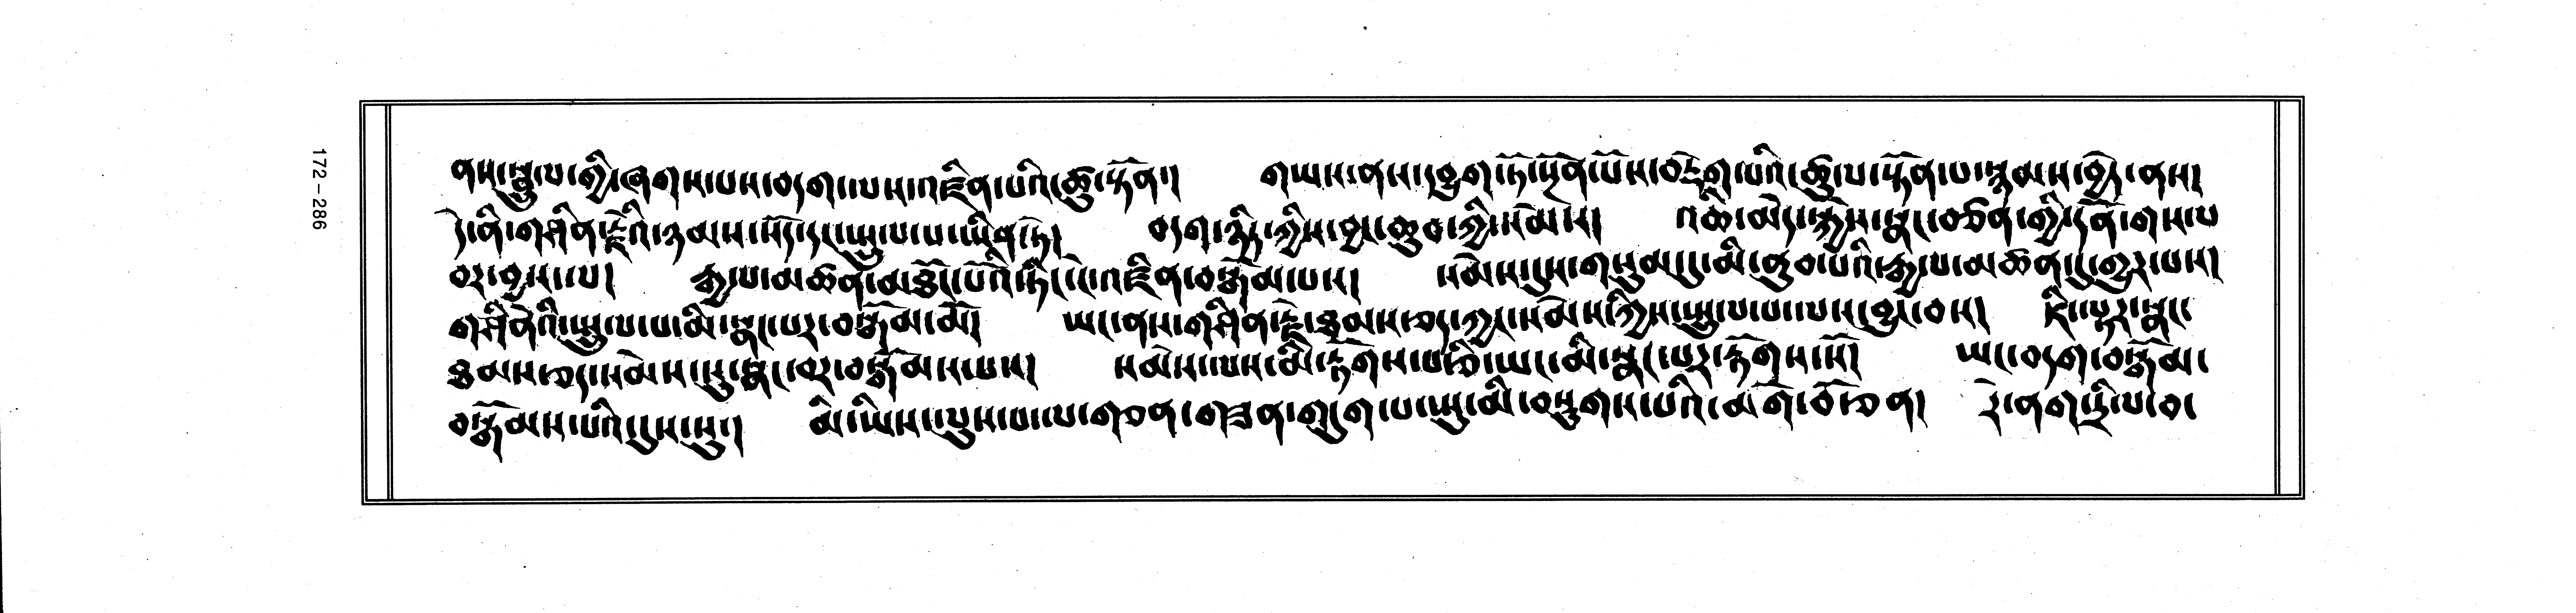ནས་སྦྲུལ་གྱི་ཞགས་པས་བདག་ལས་འཛིན་པའི་ཚུལ་སྟོན། གཡས་ནས་དབྱུག་ཏོ་སྔོན་པོས་བརྡེག་པའི་ཚུལ་སྟོན་པ་སྙམས་བྱེད་ནས། 
དེ་ནི་གཤིན་རྗེའི་ཉམས་སོད་དང་སྤྲུལ་པ་ཡིན་ཏེ། བདག་ཉིད་ཀྱིས་བྱང་ཆུབ་ཀྱི་སེམས། འཆི་མེད་སྐྱེས་སྣང་བཙན་གྱི་དོན་གསལ་
བར་བྱས་ལ། རྒྱལ་མཚན་མཐོང་པོའི་ཏིང་ངེ་འཛིན་བསྒོམས་པས། སེམས་དུས་གསུམ་དུ་མི་ནུབ་པའི་རྒྱལ་མཚན་དུ་གྱུར་པས། 
གཤེན་རྗེའི་སྤྲུལ་པ་མི་སྣང་པར་བསྒོམ་མོ། ཡང་ནས་གཤིན་རྗེ་ཐམས་ཅད་ཀྱང་སེམས་ཀྱིས་སྤྲུལ་པ་ལས་བྱུང་བས། ཇི་ལྟར་སྣང་
ཐམས་ཅད་སེམས་སུ་སྣང་བར་བསྒོམས་པས། སེམས་ལས་མི་རྟོགས་པ་ཅི་ཡང་མི་སྣང་པར་རྟོགས་སོ། ཡང་བདག་བསྒོམ་
པའི་དུས་སུ། མི་ཡིས་ལུས་པོ་ལ་གཅན་གཟན་གདུག་པ་སྤུ་མི་བསྡུགས་པའི་མགོ་བོ་ཅན། རེ་ནག་དྲིལ་བ་